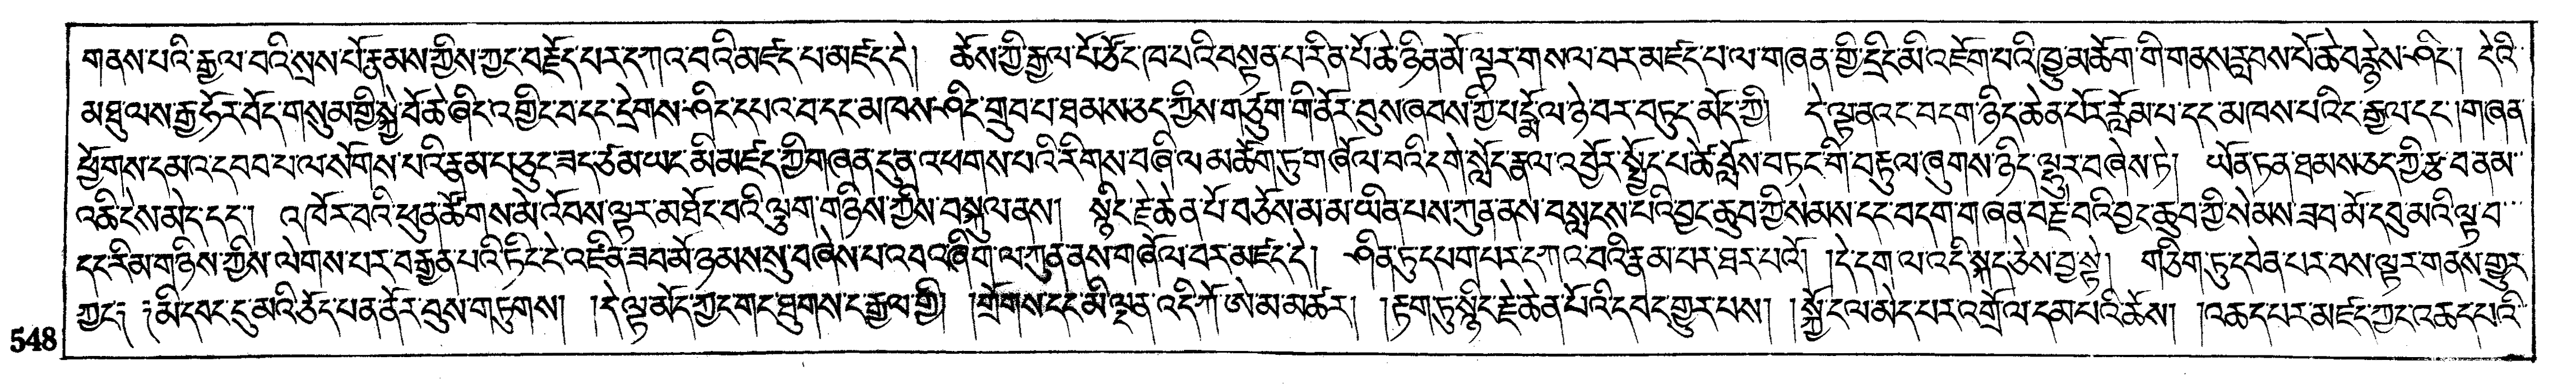གནས་པའི་རྒྱལ་བའི་སྲས་པོ་རྣམས་ཀྱིས་ཀྱང་བརྗོད་པར་དཀའ་བའི་མཛད་པ་མཛད་དེ། ཆོས་ཀྱི་རྒྱལ་པོ་ཙོང་ཁ་པའི་བསྟན་པ་རིན་པོ་ཆེ་ཉིན་མོ་ལྟར་གསལ་བར་མཛད་པ་ལ་གཞན་གྱི་དྲིང་མི་འཇོག་པའི་ཁྱུ་མཆོག་གི་གནས་རླབས་པོ་ཆེ་བརྙེས་ཤིང་། དེའི་
མཐུ་ལས་རྒྱ་ཧོར་བོད་གསུམ་གྱི་སྐྱེ་བོ་ཆེ་ཞིང་འགྱིད་བ་དང་དྲེགས་ཤིང་དཔའ་བ་དང་མཁས་ཤིང་གྲུབ་པ་ཐམས་ཅད་ཀྱིས་གཙུག་གི་ནོར་བུས་ཞབས་ཀྱི་པདམོ་ལ་ཉེ་བར་བཏུང་མོད་ཀྱི། དེ་ལྟ་ནའང་བདག་ཉིད་ཆེན་པོར་རློམ་པ་དང་མཁས་པའི་ང་རྒྱལ་དང་། གཞན་
ཕྱོགས་དམའ་དབབ་པ་ལ་སོགས་པའི་རྣམ་པ་ཅུང་ཟང་ཙམ་ཡང་མི་མཛད་ཀྱི་གཞན་དུ་ན་འཕགས་པའི་རིགས་བཞི་ལ་མཆོག་ཏུ་གཞོལ་བའི་དགེ་སློང་རྣལ་འབྱོར་སྤྱོད་པ་ཚེ་བློས་བཏང་གི་བརྟུལ་ཞུགས་ཉིད་ལྷུར་བཞེས་ཏེ། ཡོན་ཏན་ཐམས་ཅད་ཀྱི་རྩ་བ་ནམ་
འཆི་ངེས་མེད་དང་། འཁོར་པའི་ཕུན་ཚོགས་མེ་འོབས་ལྟར་མཐོང་བའི་ལྕག་གཉིས་ཀྱིས་བསྐུལ་ནས། སྙིང་རྗེ་ཆེན་པོ་བཅོས་མ་མ་ཡིན་པས་ཀུན་ནས་བསླངས་པའི་བྱང་ཆུབ་ཀྱི་སེམས་དང་བདག་གཞན་བརྗེ་བའི་བྱང་ཆུབ་ཀྱི་སེམས་ཟབ་མོ་དབུ་མའི་ལྟ་བ་
དང་རིམ་གཉིས་ཀྱིས་ལེགས་པར་བརྒྱན་པའི་ཏིང་ངེ་འཛིན་ཟབ་མོ་ཉམས་སུ་བཞེས་པ་འབའ་ཞིག་ལ་ཀུན་ནས་གཞོལ་པར་མཛད་དེ། ཤིན་ཏུ་དཔག་པར་དཀའ་བའི་རྣམ་པར་ཐར་པའོ། །དེ་དག་ལ་འདི་སྐད་ཅེས་བྱ་སྟེ། གཅིག་ཏུ་དཔེན་པར་བས་ལྟར་གནས་གྱུར་
ཀྱང༑ ༑མི་དབང་དུ་མའི་ཅོད་པན་ནོར་བུས་གཏུགས། །དེ་ལྟ་མོད་ཀྱང་གང་ཐུགས་ང་རྒྱལ་གྱི། །གྲོགས་དང་མི་ལྡན་འདི་ཀོ་ཨེ་མ་མཚར། །རྟག་ཏུ་སྙིང་རྗེ་ཆེན་པོའི་དབང་གྱུར་པས། །སྐྱོ་དལ་མེད་པར་འགྲོ་ལ་དམ་པའི་ཆོས། །འཆད་པར་མཛད་ཀྱང་འཆད་པའི་